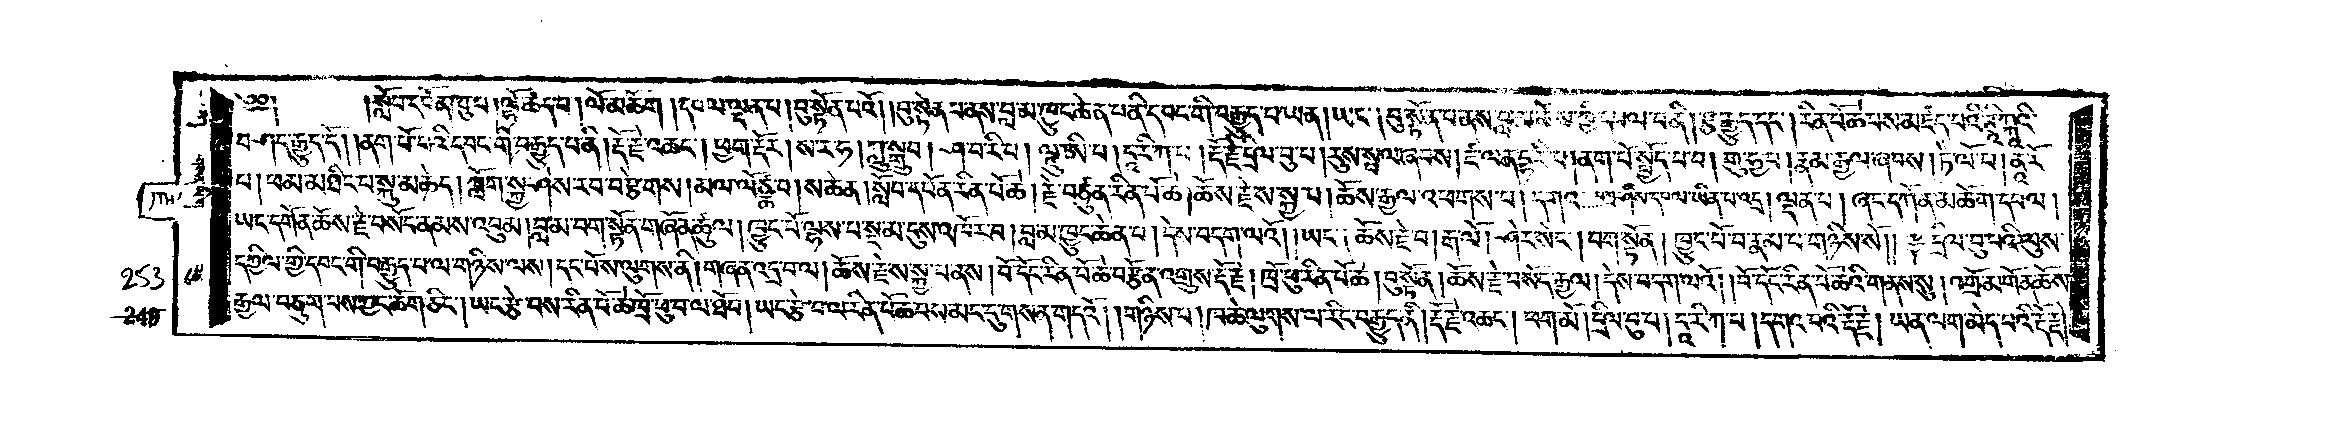༄༅། །སློབ་དཔོན་བུ་པ། ལོ་མཆོག །དཔལ་ལྡན་པ། བུ་སྟོན་པའོ། །བུ་སྟེན་པ་ནས་བླ་མ་ཁྱུང་ཆེན་པ་ནི་དབང་གི་བརྒྱུད་པ་ཡན། ཡང་། བུ་སྟོན་པ་ནས་བླ་མ་ཆོས་ཀྱི་དཔལ་བ་ནི། རྩ་རྒྱུད་དང་། རིན་པོ་ཆེ་པས་མཛད་པའི་ཊཱི་ཀྐཱའི་
བཤད་རྒྱུད་དོ། །ནག་པོ་པའི་དབང་གི་བརྒྱུད་པ་ནི། རྡོ་རྗེ་འཆང་། ཕྱག་རྡོར། ས་ར་ཧ། སླུ་སྒྲུབ། ཤ་བ་རི་པ། ལའུ་ཨི་པ། དྷའ་རི་ཀ་པ། རྡོ་རྗེ་དྲིལ་བུ་པ། རུས་སྦལ་ཞབས། ཛ་ལན་དྷ་རི་པ། ནག་པོ་སྤྱོད་པ་བ། གུ་ཧྱ་པ། རྣམ་རྒྱལ་ཞབས། ཏཻ་ལོ་པ། ནའ་རོ་
པ། ཕམ་མཐིང་པ་སྐུ་མཆེད། ཀློག་སྐྱ་ཤེས་རབ་བརྩེགས། མལ་ལོཙྪ་བ། ས་ཆེན། སློབ་དཔོན་རིན་པོ་ཆེ། རྗེ་བཙུན་རིན་པོ་ཆེ། ཆོས་རྗེ་སྐྱ་པ། ཆོས་རྒྱལ་འཕགས་པ། དགའ་{བཀྲ་ཤིས་དཔལ་ཡིན་པ་འདྲ།}་ལྡན། ཞང་དཀོན་མཆོག་དཔལ།
ཡང་དགོན་ཆོས་རྗེ་བསོད་ནམས་འབུམ་།བླ་མ་བག་སྟོན་གཞོན་ཚུལ་ཁྱུང་པོ་ལྷས་པ་སྔ་མ་དུས་འཁོར་བ། བླ་མ་ཁྱུང་ཆེན་པ། དེས་བདག་ལོའོ། །ཡང་། ཆོས་རྗེ་པ། རྒ་ལོ། ཤེར་སེང་། བག་སྟོན། ཁྱུང་པོ་བ་རྣམ་པ་གཉིས་སོ། །༈དྲིལ་བུ་པའི་ལུས་
དཀྱིལ་གྱི་དབང་གི་བརྒྱུད་པ་ལ་གཉིས་ལས། དང་པོ་ས་ལུགས་ནི། གཞན་འདྲ་བ་ལ། ཆོས་རྗེ་ས་སྐྱ་པ་ནས། བོ་དོང་རིན་པོ་ཆེ་བརྩོན་འགྲུས་རྡོ་རྗེ། ཁྲོ་ཕུ་རིན་པོ་ཆེ། བུ་སྟོན། ཆོས་རྗེ་བསོད་རྒྱལ། དེས་བདག་ལའོ། །བོ་དོང་རིན་པོ་ཆེའི་གནས་སུ། འགྲོ་མགོན་ཆོས་
རྒྱལ་བཅུག་པས་ཀྱང་ཆོག་ཅིང་། ཡང་རྩེ་བས་རིན་པོ་ཆེ་ཁྲོ་ཕུ་བ་ལ་ཐོབ། ཡང་རྩེ་བ་ལ་རིན་པོ་ཆེ་བས་མང་དུ་གསན་གདའོ། །གཉིས་པ། ཁ་ཆེ་ལུགས་ལ་རིང་བརྒྱུད་ནི། རྡོ་རྗེ་འཆང་། ཕག་མོ་།དྲིལ་བུ་པ་།དཱ་རི་ཀ་པ་།དགའ་བའི་རྡོ་རྗེ། ཡན་ལག་མེད་པའི་རྡོ་རྗེ།